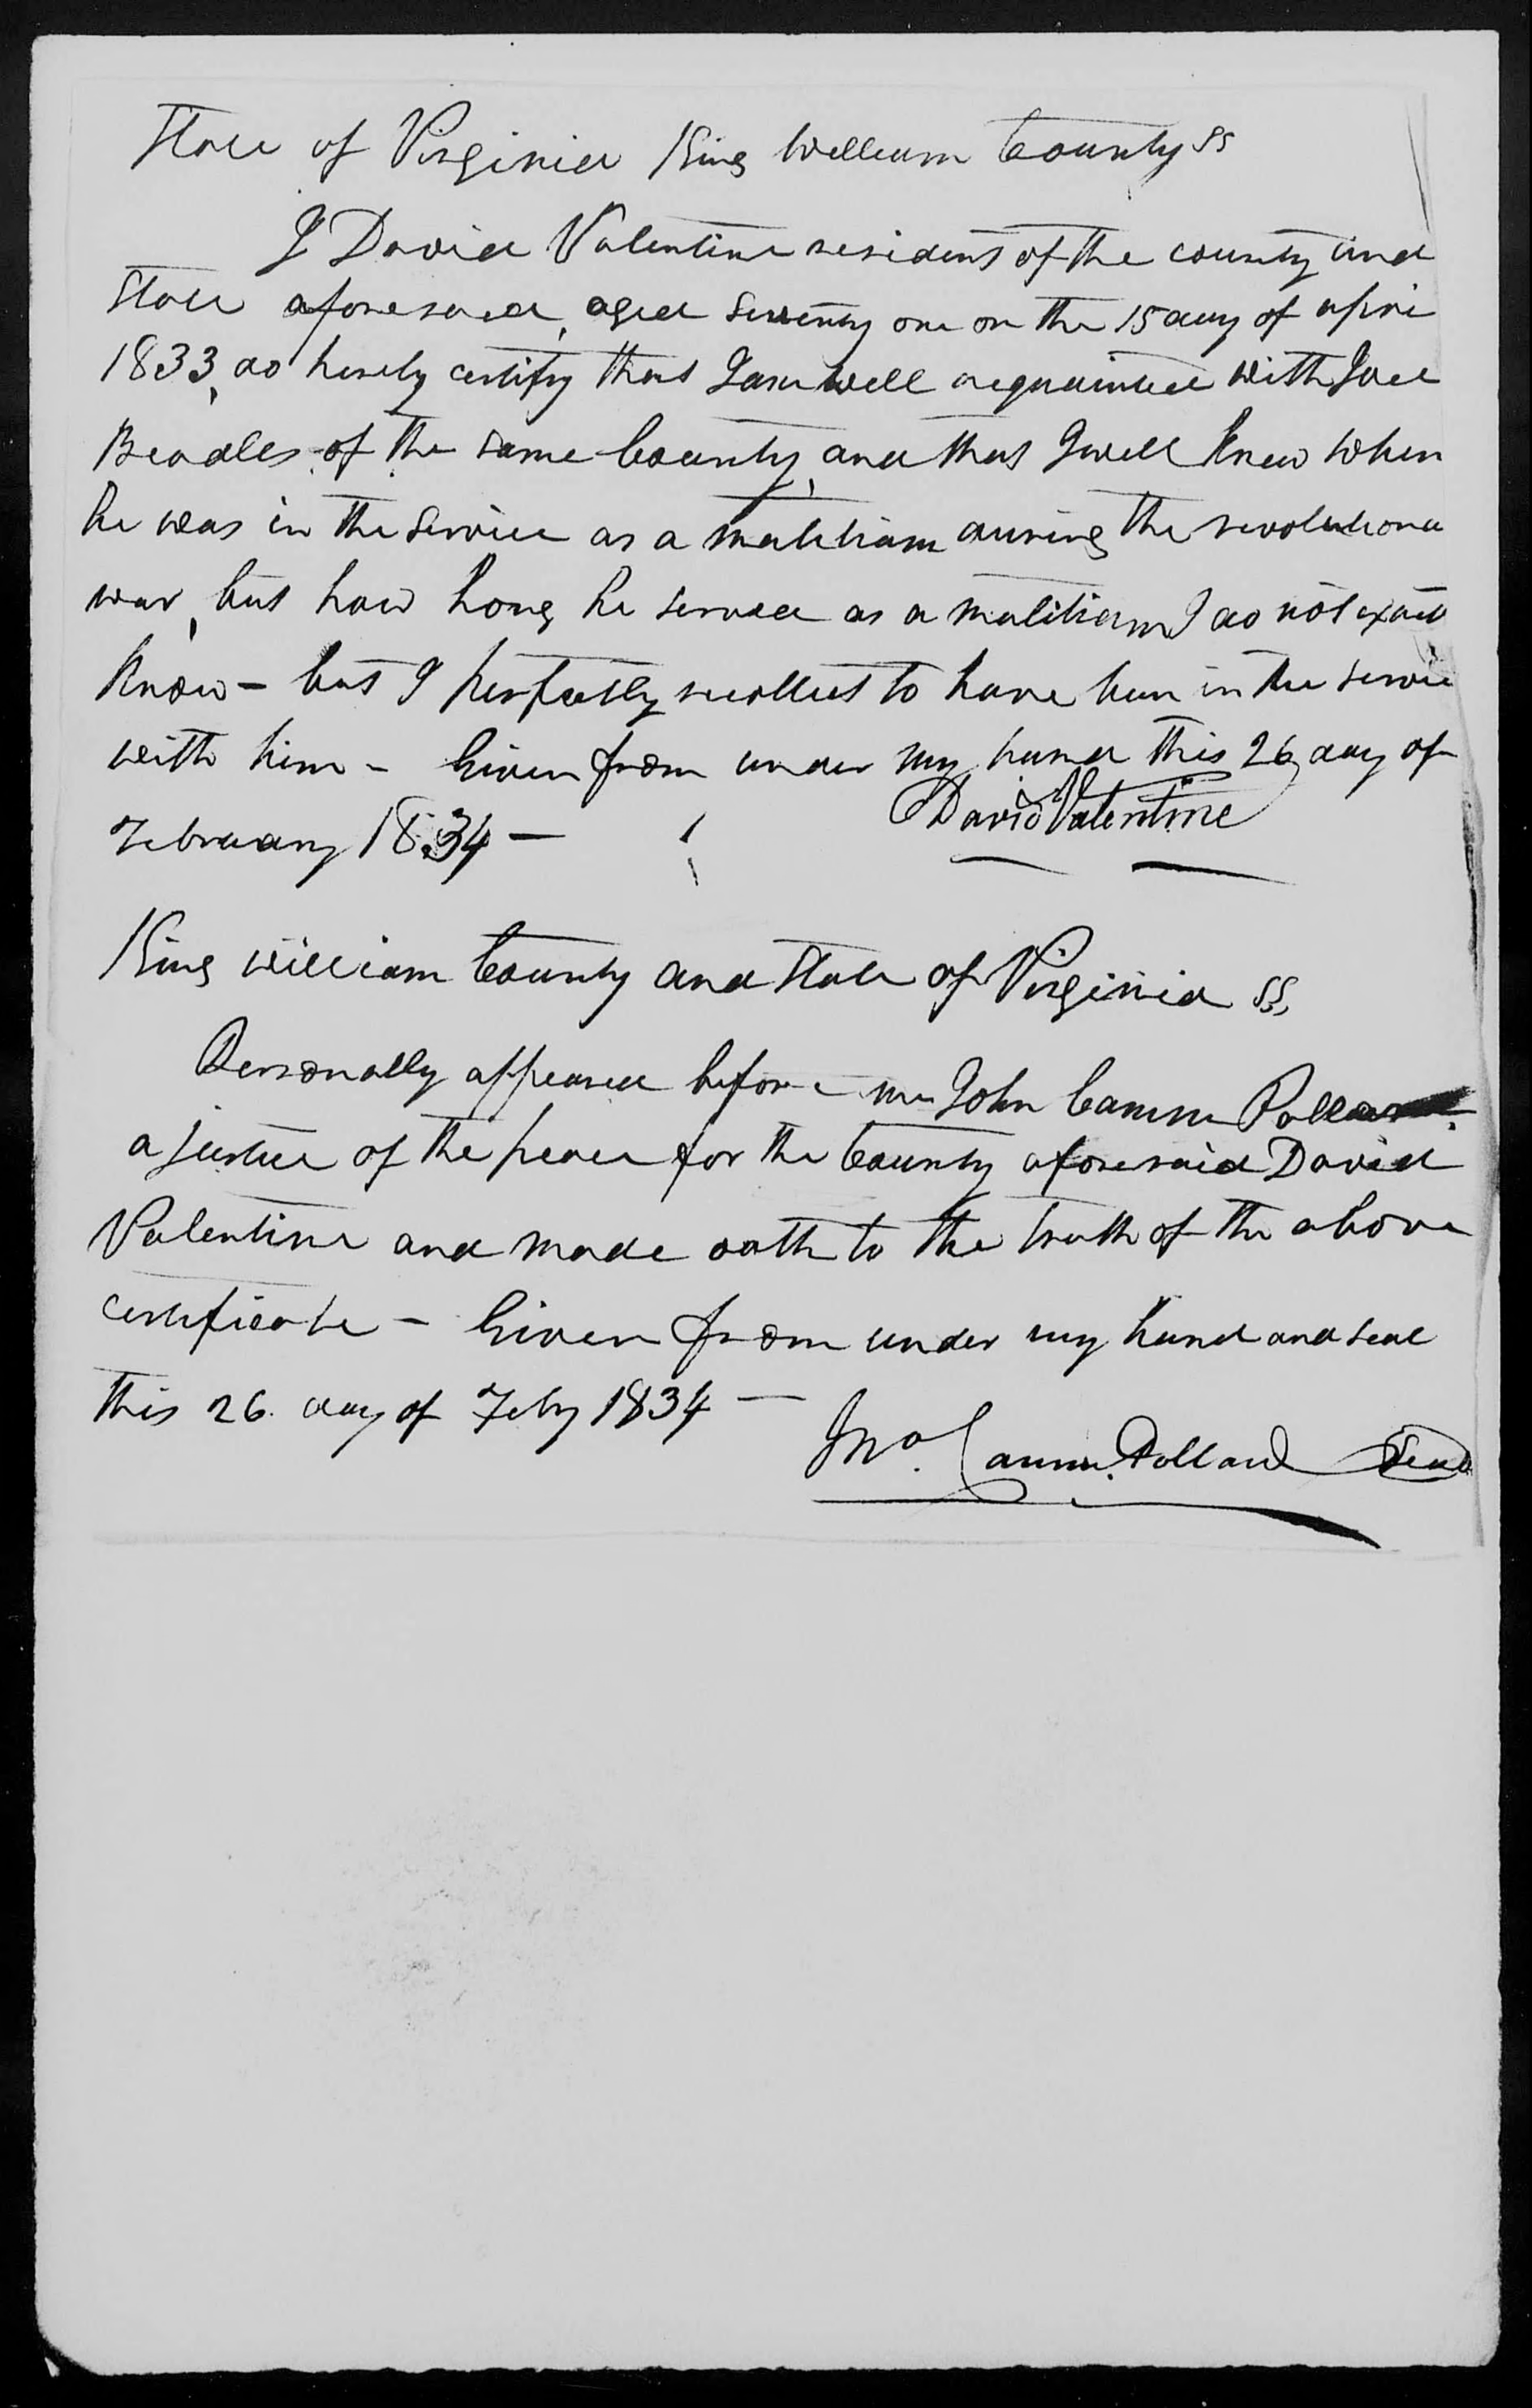State of Virginia, King William County.

I, David Valentine, resident of the county and state aforesaid, aged seventy-one on the 15 day of April 1833, do hereby certify that I am well acquainted with Joel Beadles of the same County, and that I well knew when he was in the service as a militiaman during the Revolutionary War, but how long he served as a militiaman, I do not exactly know - but I perfectly recollect to have been in the service with him - given from under my hand this 26 day of February 1834.
David Valentine [signature]

King William County and State of Virginia.
Personally appeared before me, John Camm Pollard, a justice of the peace for the county aforesaid David Valentine and made oath to the truth of the above certificate - given from under my hand and sent this 26 day of Feby 1834.  
Jno. Camm Pollard [signature and seal]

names: John Camm Pollard, David Valentine, Jno Camm Pollard, David Valentine, David Valentine, Joel Beadles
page: 12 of 13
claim: survivor's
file: S. 17841, Joel Beadles, Va.